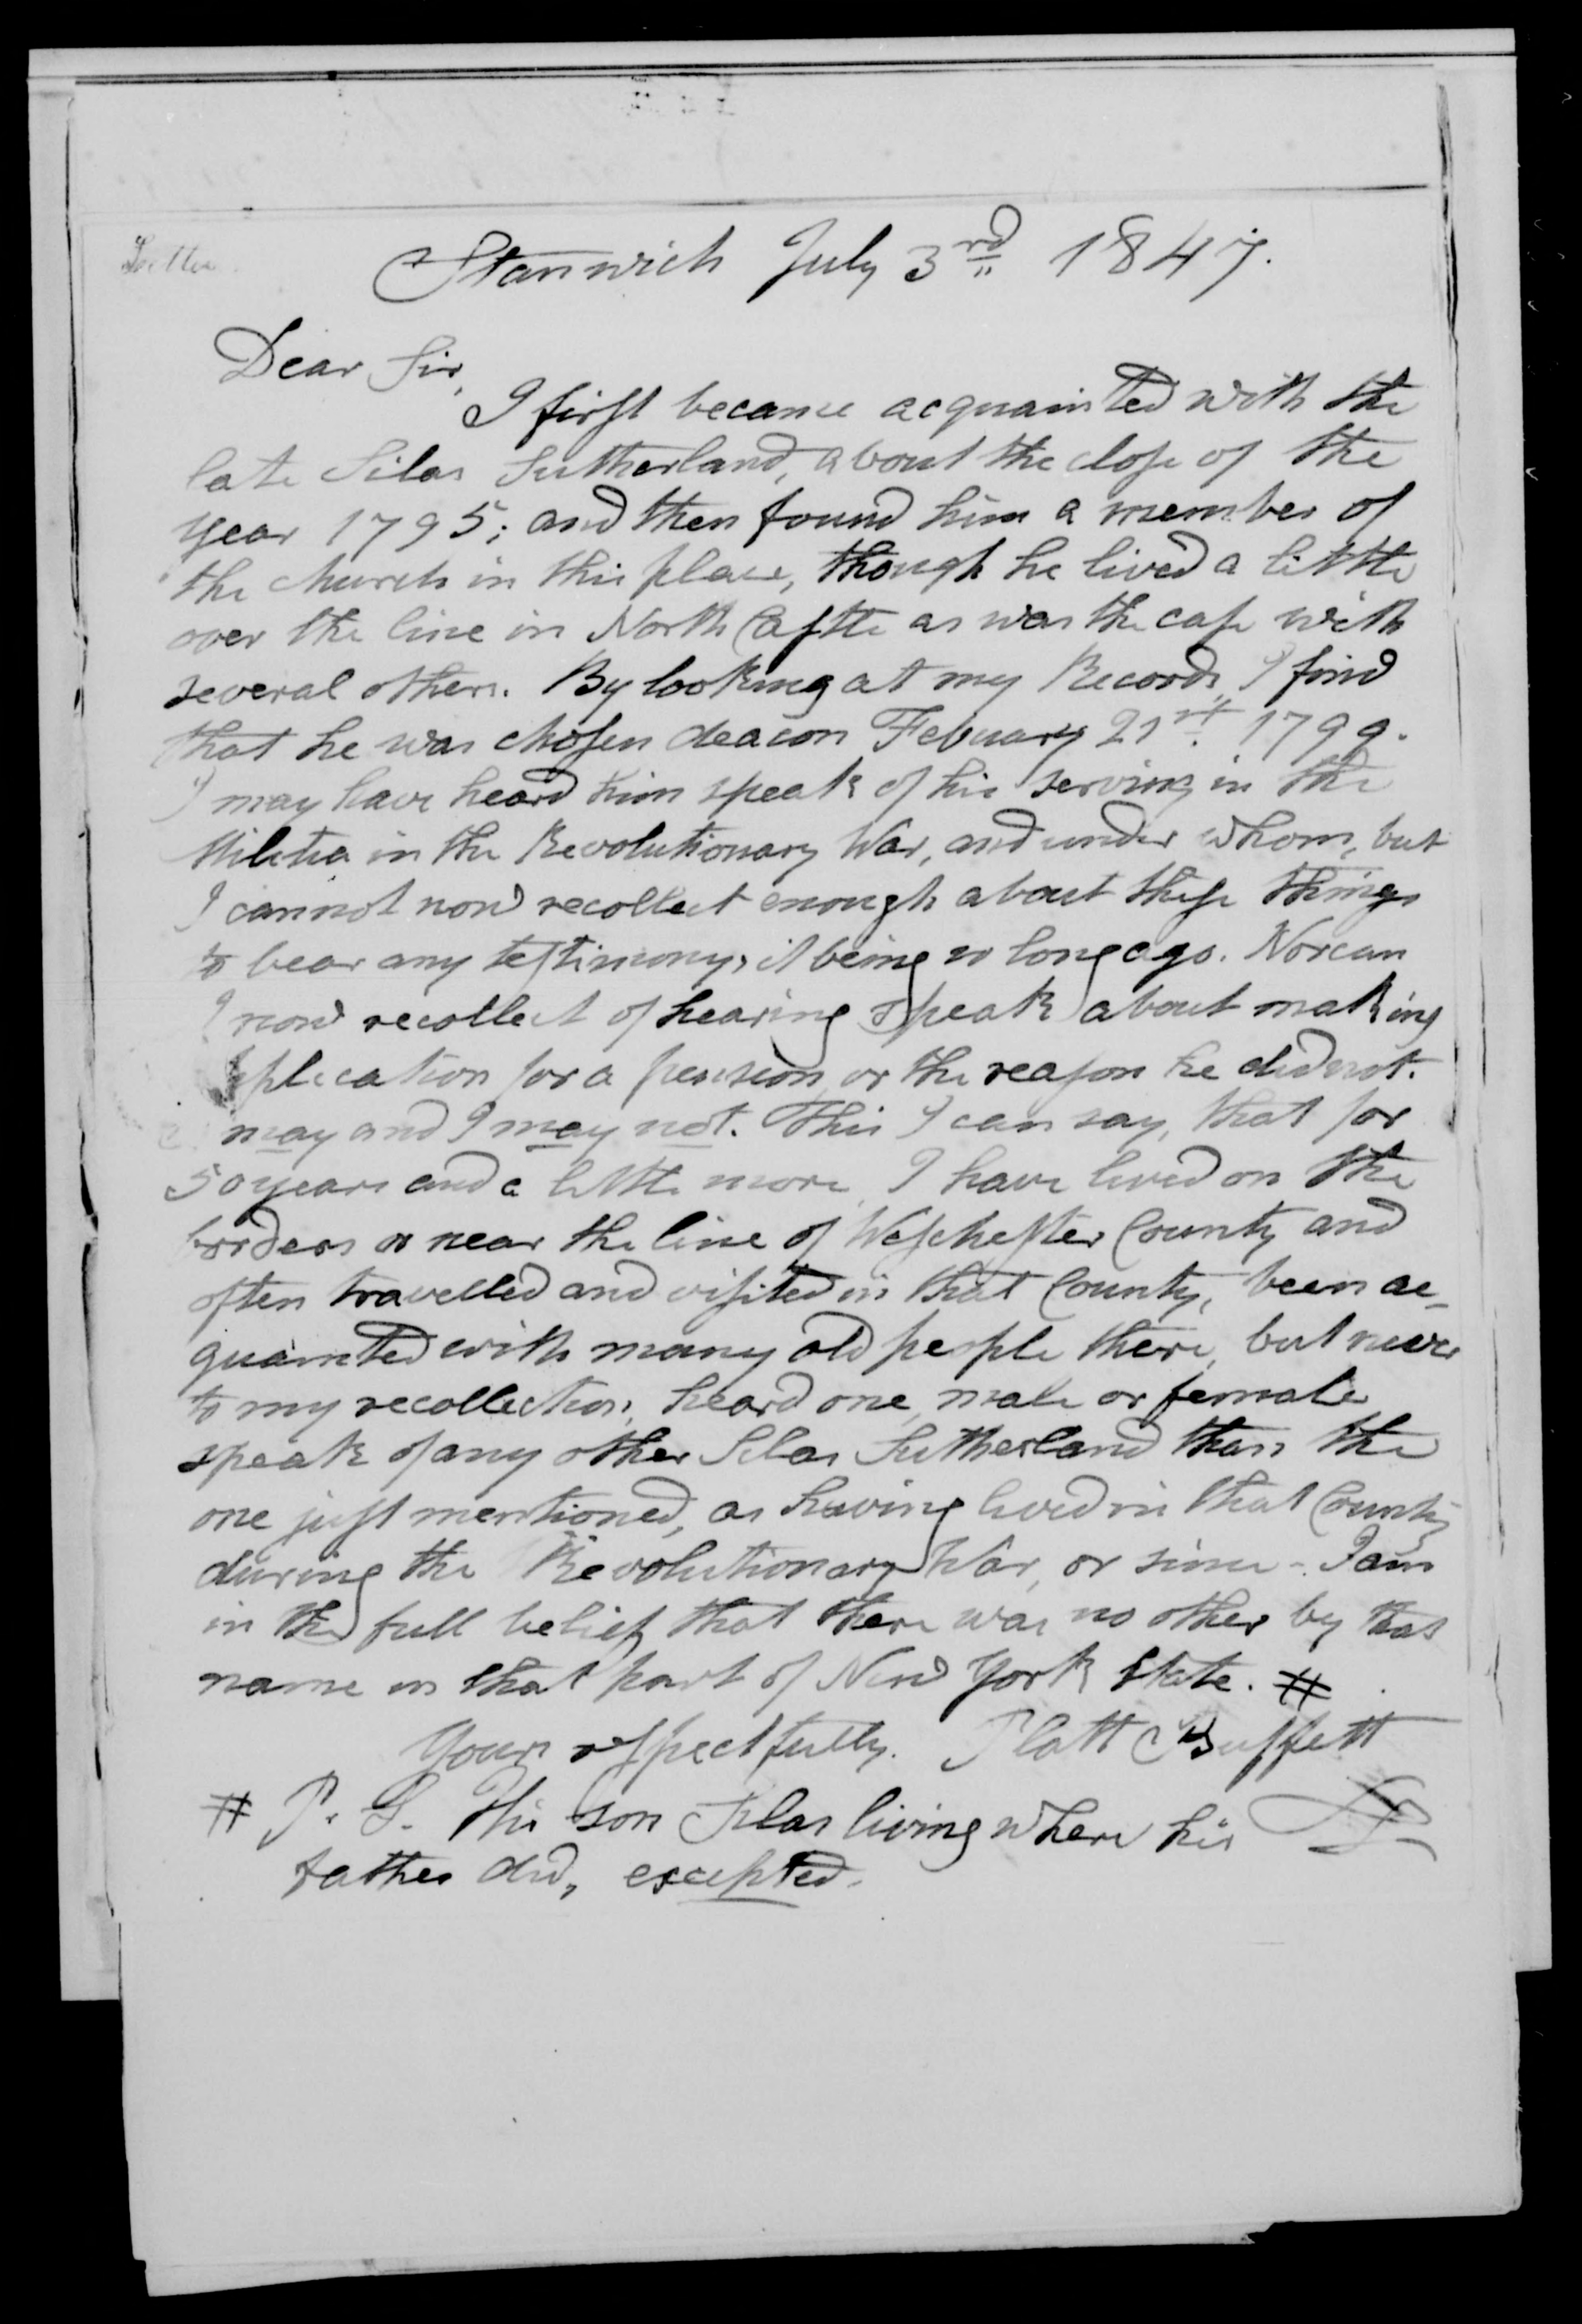Letter Stanwich July 3rd 1847

Dear Sir,

I first became acquainted with the late Silas Sutherland about the close of the year 1795; and then found him a member of the church in this place, though he lived a little over the line in North Castle as was the case with several others.  By looking at my records, I find that he was chosen deacon February 21st, 1799.  

I may have heard him speak of his serving in the Militia in the Revolutionary War, and under whom, but I cannot now recollect enough about these things to bear any testimony, it being so long ago.  Nor can I now recollect of hearing speak about making application for a pension, or the reason he did not.  I may and I may not.  This I can say, that for 50 years and a little more, I have lived on the borders or near the line of Weschester County and often travelled and visited in that County, been acquainted with many old people there, but never to my recollection heard one, male or female, speak of any other Silas Sutherland than the one just mentioned, as having lived in the County during the Revolutionary War, or since.  I am in the full belief that there was no other by that name in that part of New York State. #
Yours respectfully.  Platt C Buffett
# P.S.  The son Silas living where his father did, excepted.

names: Silas Sutherland; Platt Buffett; Silas Sutherland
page: 6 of 77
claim: survivor's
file: S. 23003, for Silas Southerland, New York